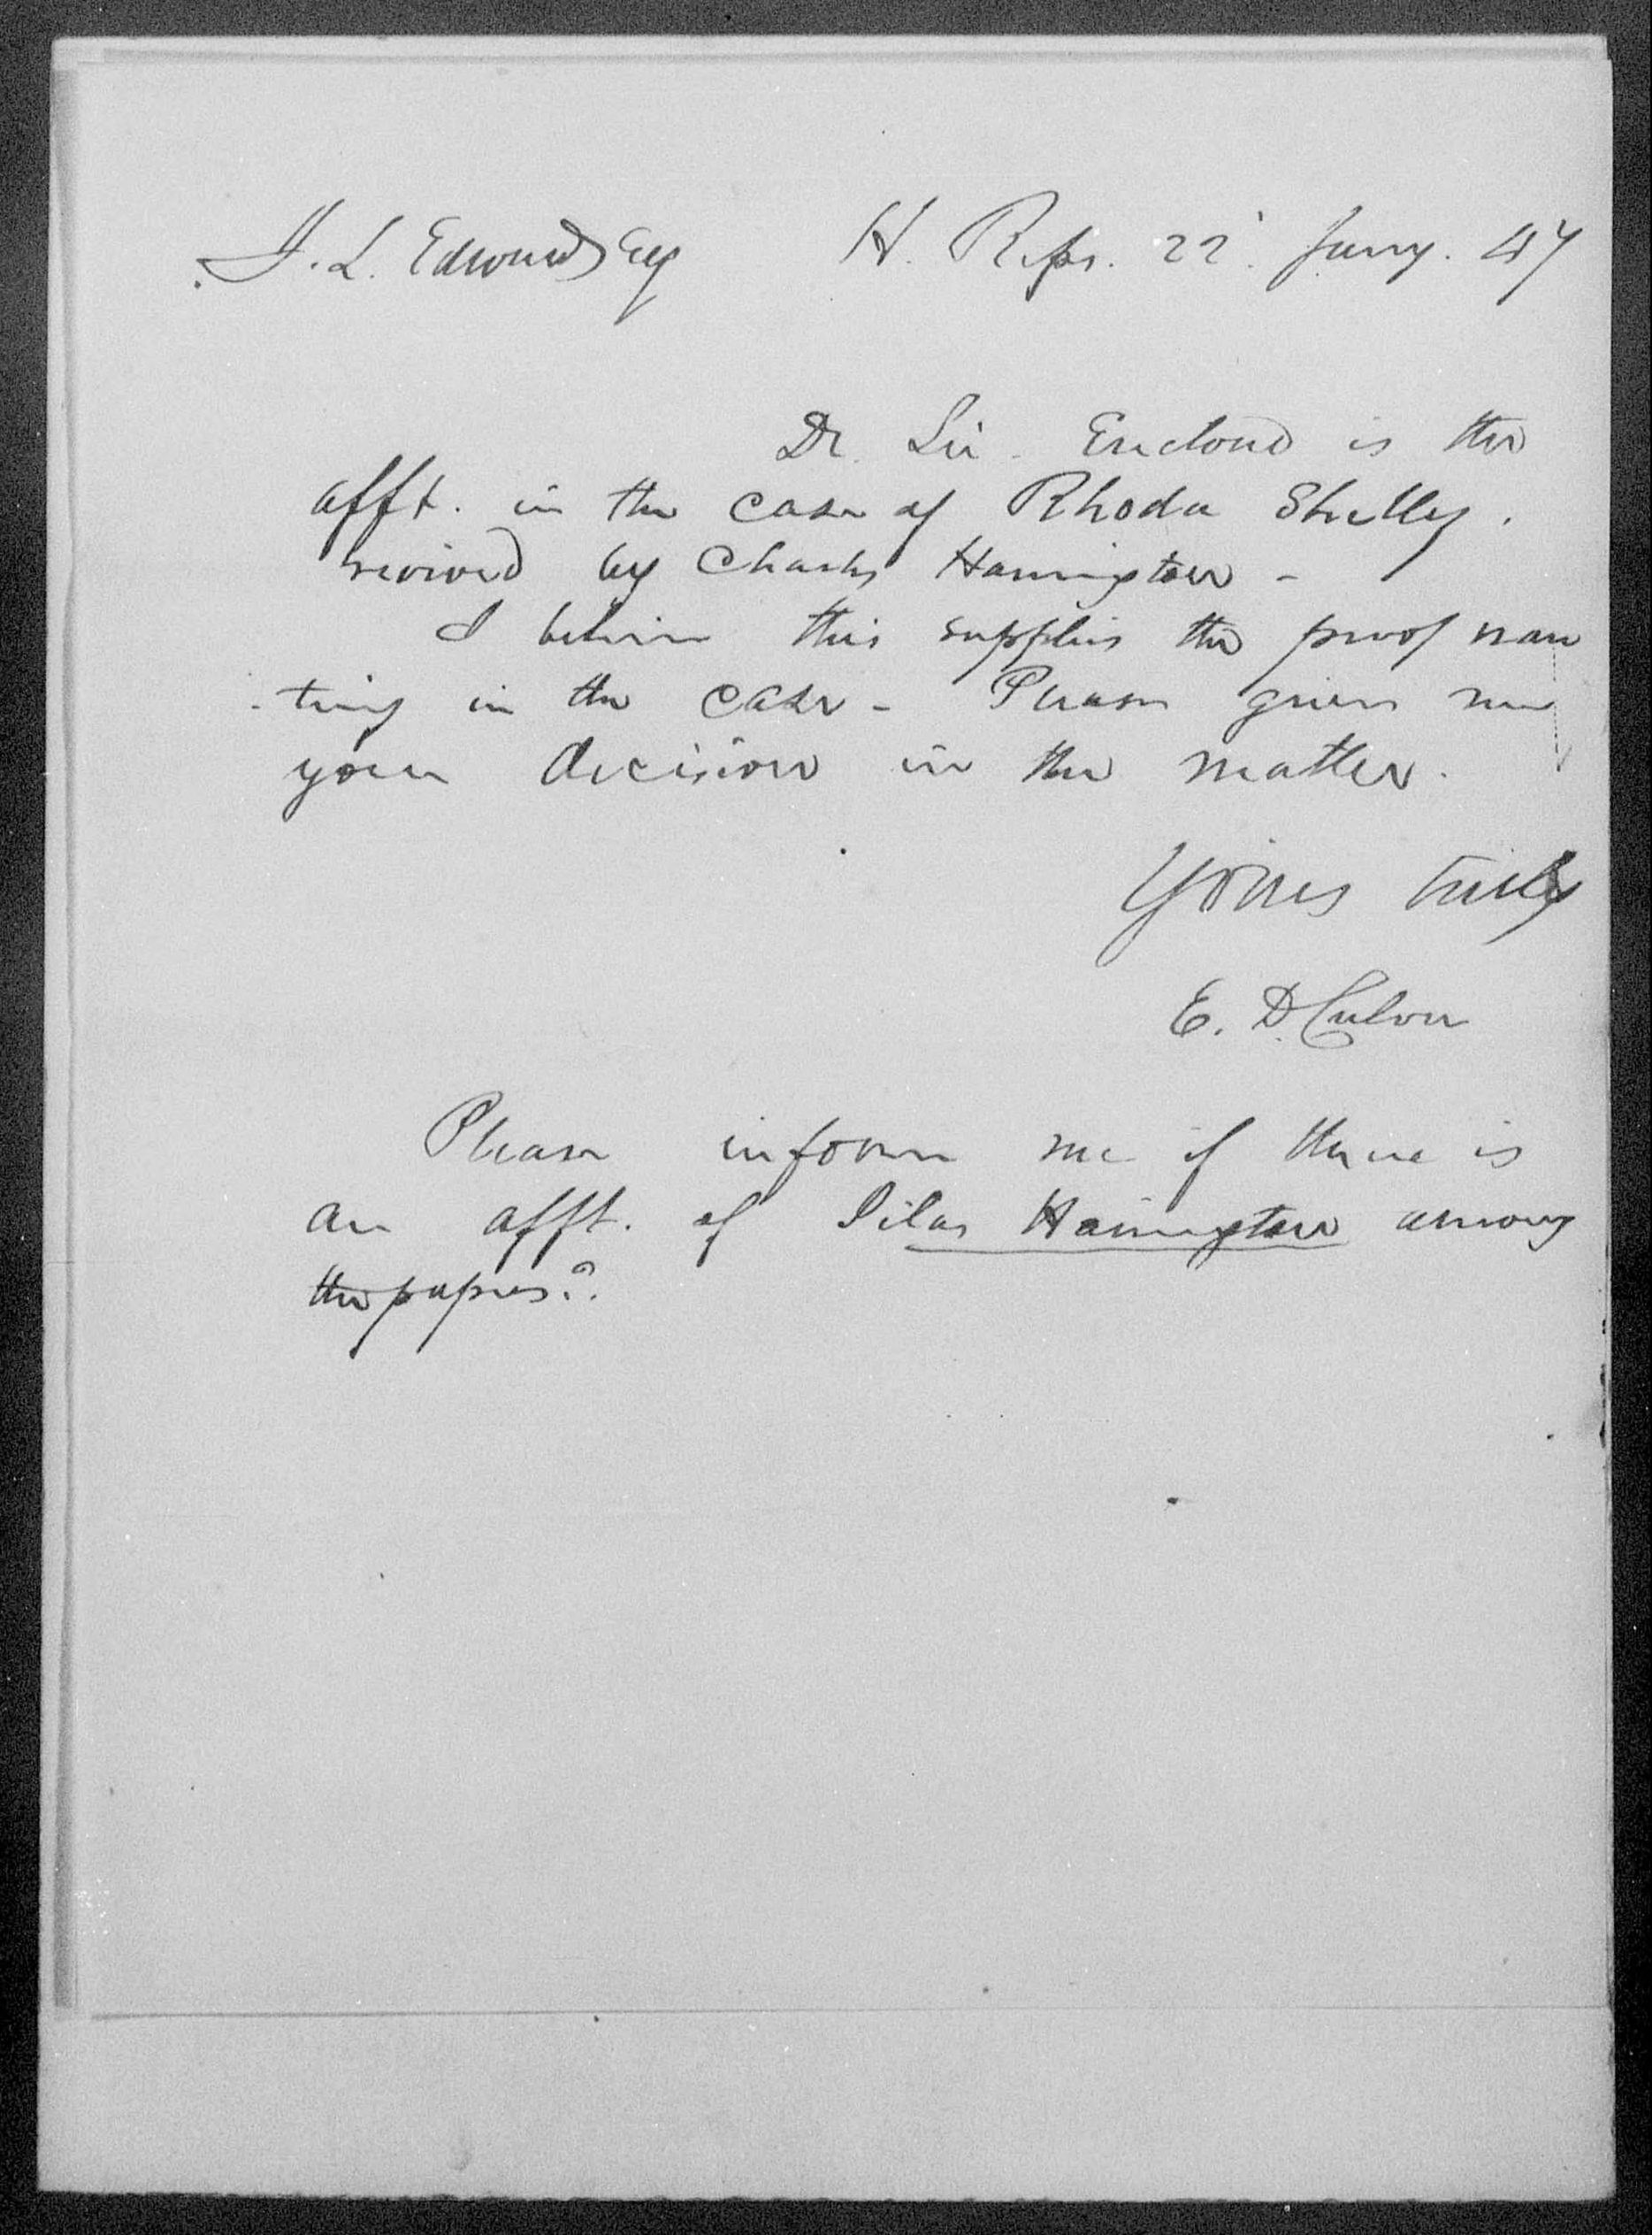J. L. Edwards Esq

H. Reps. [House of Representatives] 22 Jany [January] 47 [1847]

Dr. [Dear] Sir, Enclosed is the afft [affidavit] in the case of Rhoda Shelly, revived by Charles Harrington.
I believe this supplies the proof wanting in the case - Please give now your decision in the matter.
Yours truly
E. D. Culver

Please inform me if there is an afft. [affidavit] of Silas Harrington among the papers.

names: Rhoda Shelly, Charles Harrington, J L Edwards, E D Culver, Silas Harrington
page: 45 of 51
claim: widow's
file: W. 19,026, Israel Harrington, R.I.